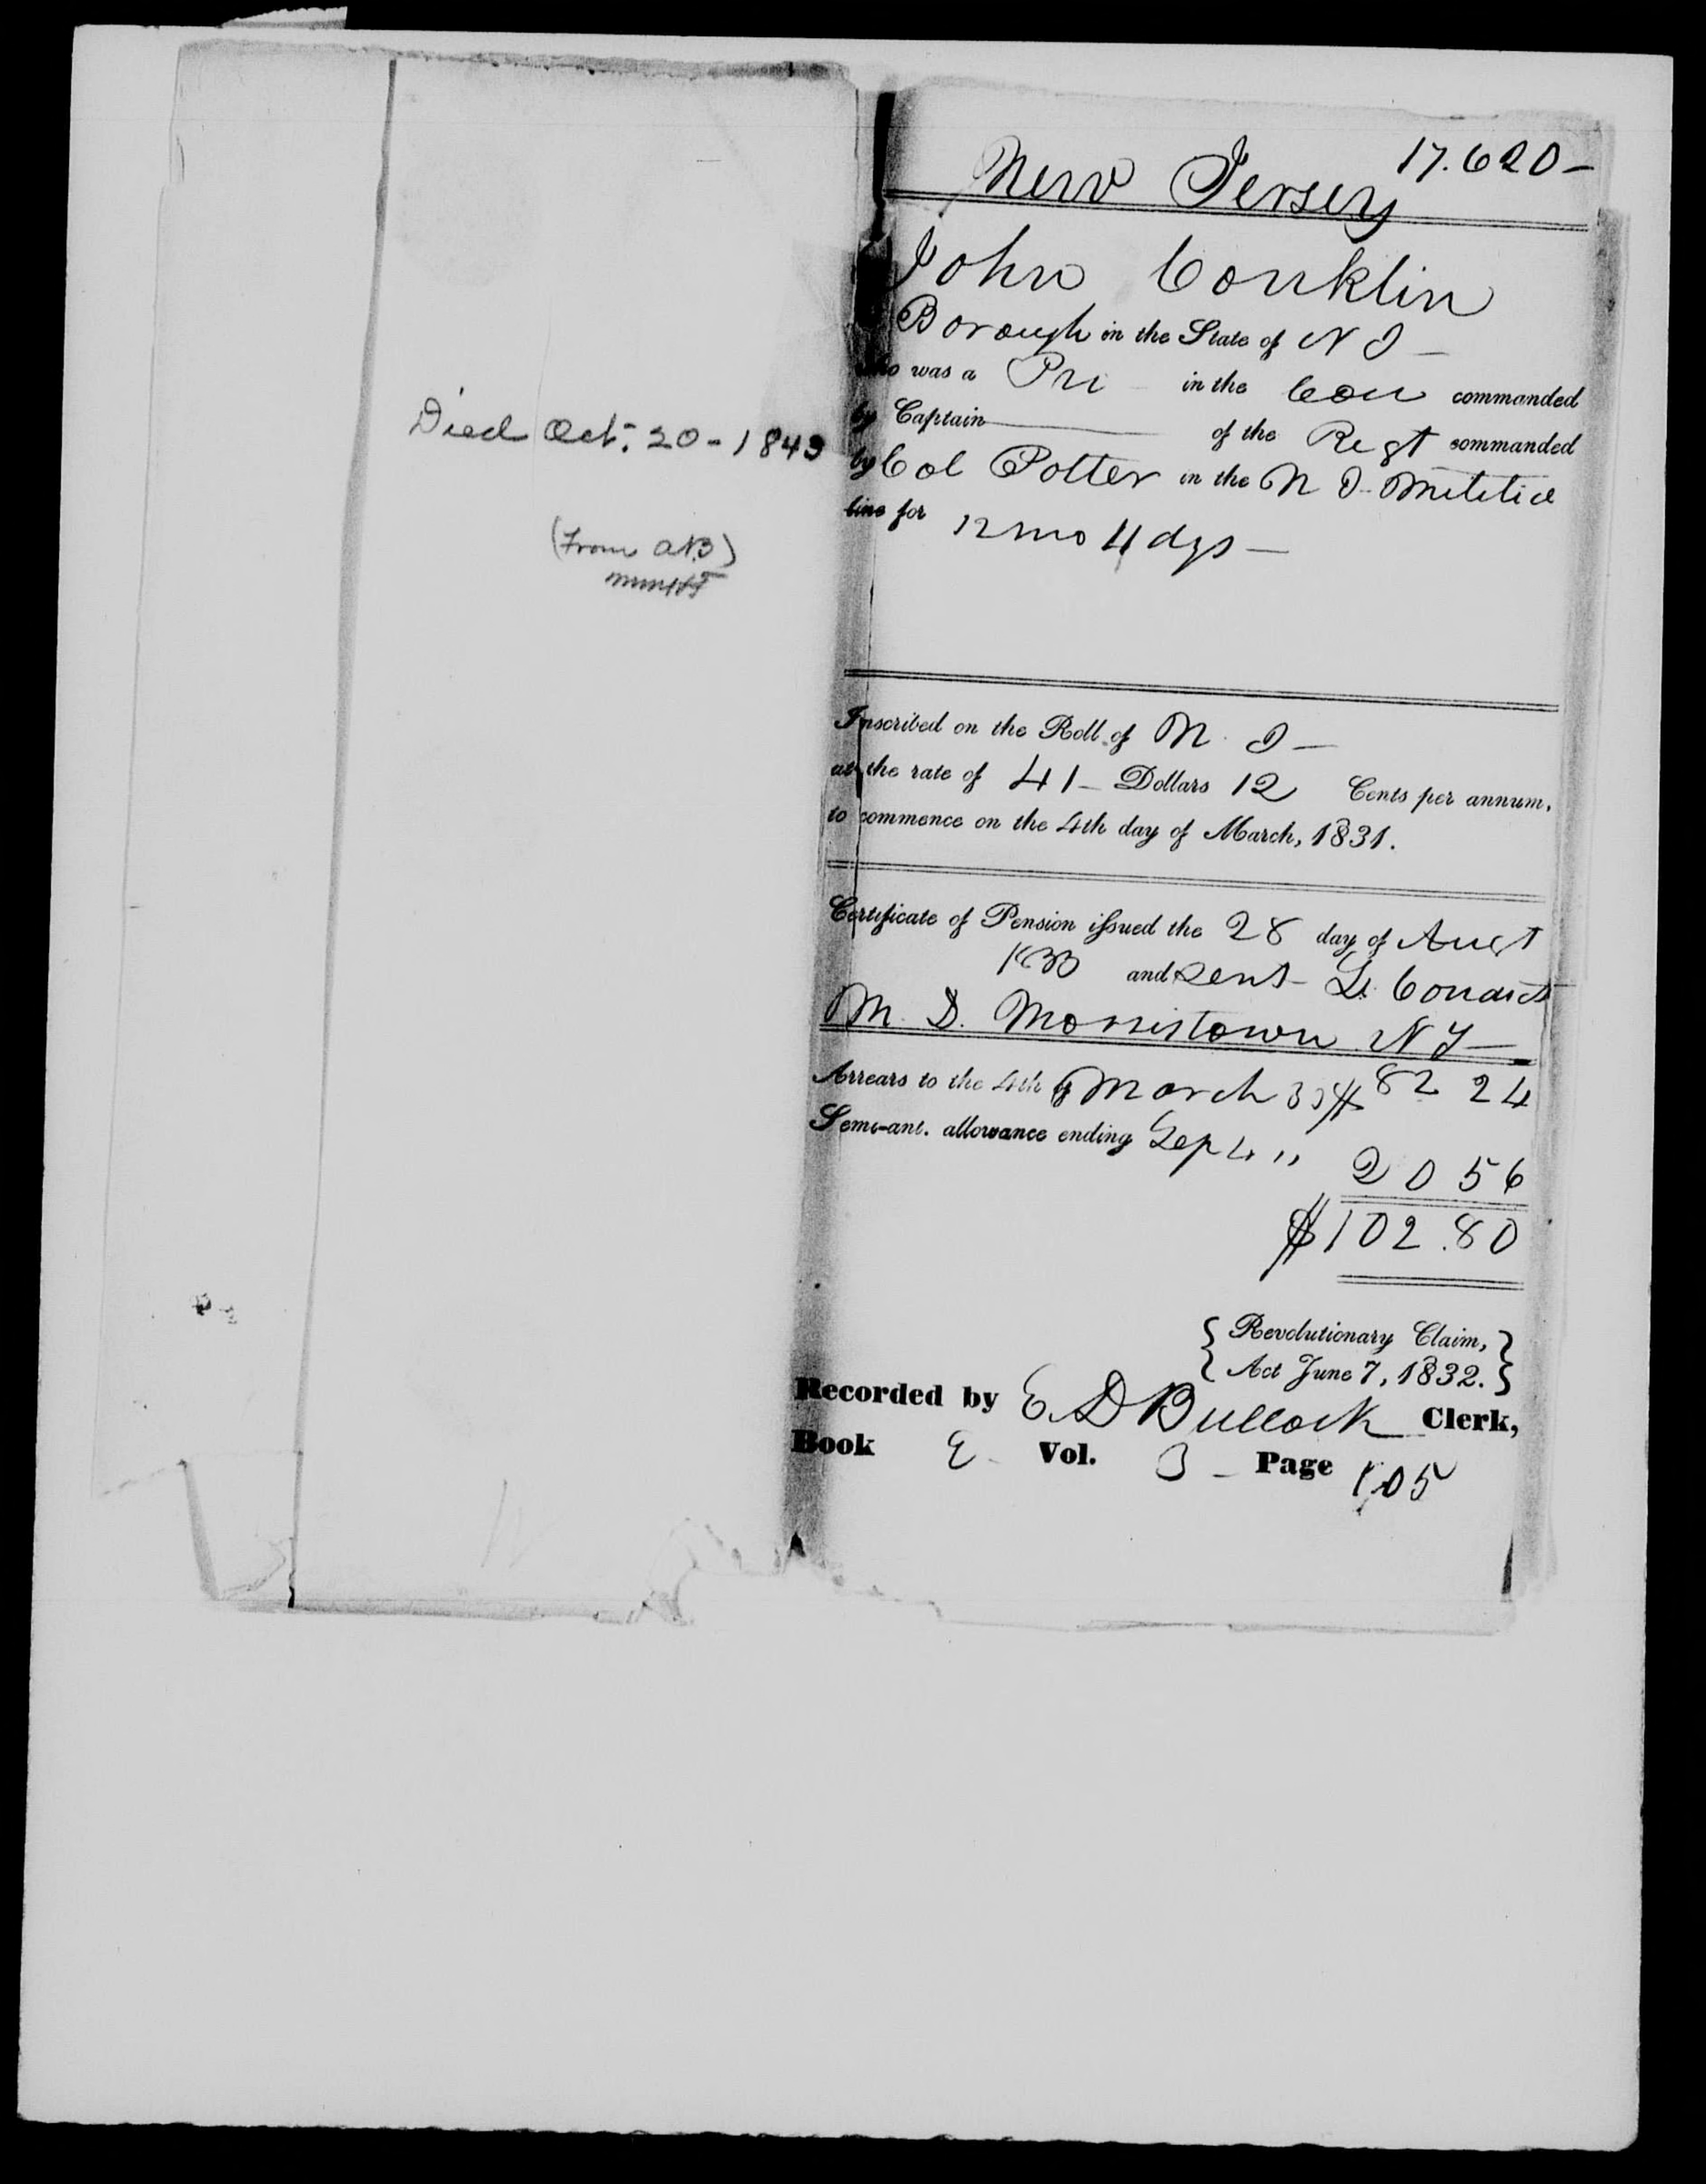Died Oct. 20 - 1843
(From AN.3 mm?)

17.620-
New Jersey

John Conklin
Borough in the State of NJ
- was a Pri in the war commanded
Captain ---------- of the Regt commanded
by Col Potter in the N J Militia 
-bine for 12 mo 4 days -

Inscribed on the Roll of N.J.-
at the rate of 41 Dollars 12 Cents per annum,
to commence on the 4th day of March, 1831.

Certificate of Pension issued the 28th day of Augt 1830 and sent L. Condict
M. D. Morristown N Y -

Arrears to the 4th of March 30           $82.24
Semi-ant. allowance ending Sept 11    20.56
                                                           =====
                                                          $102.80
                                                           =====
{Revolutionary Claim,
Act June 7, 1832}
Recorded by E D Bullock Clerk,
Book E  Vol.  3  Page 105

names: E D Bullock, Potter, John Conklin, L Condict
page: 2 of 28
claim: survivor's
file: S 2464, John Conklin, New Jersey